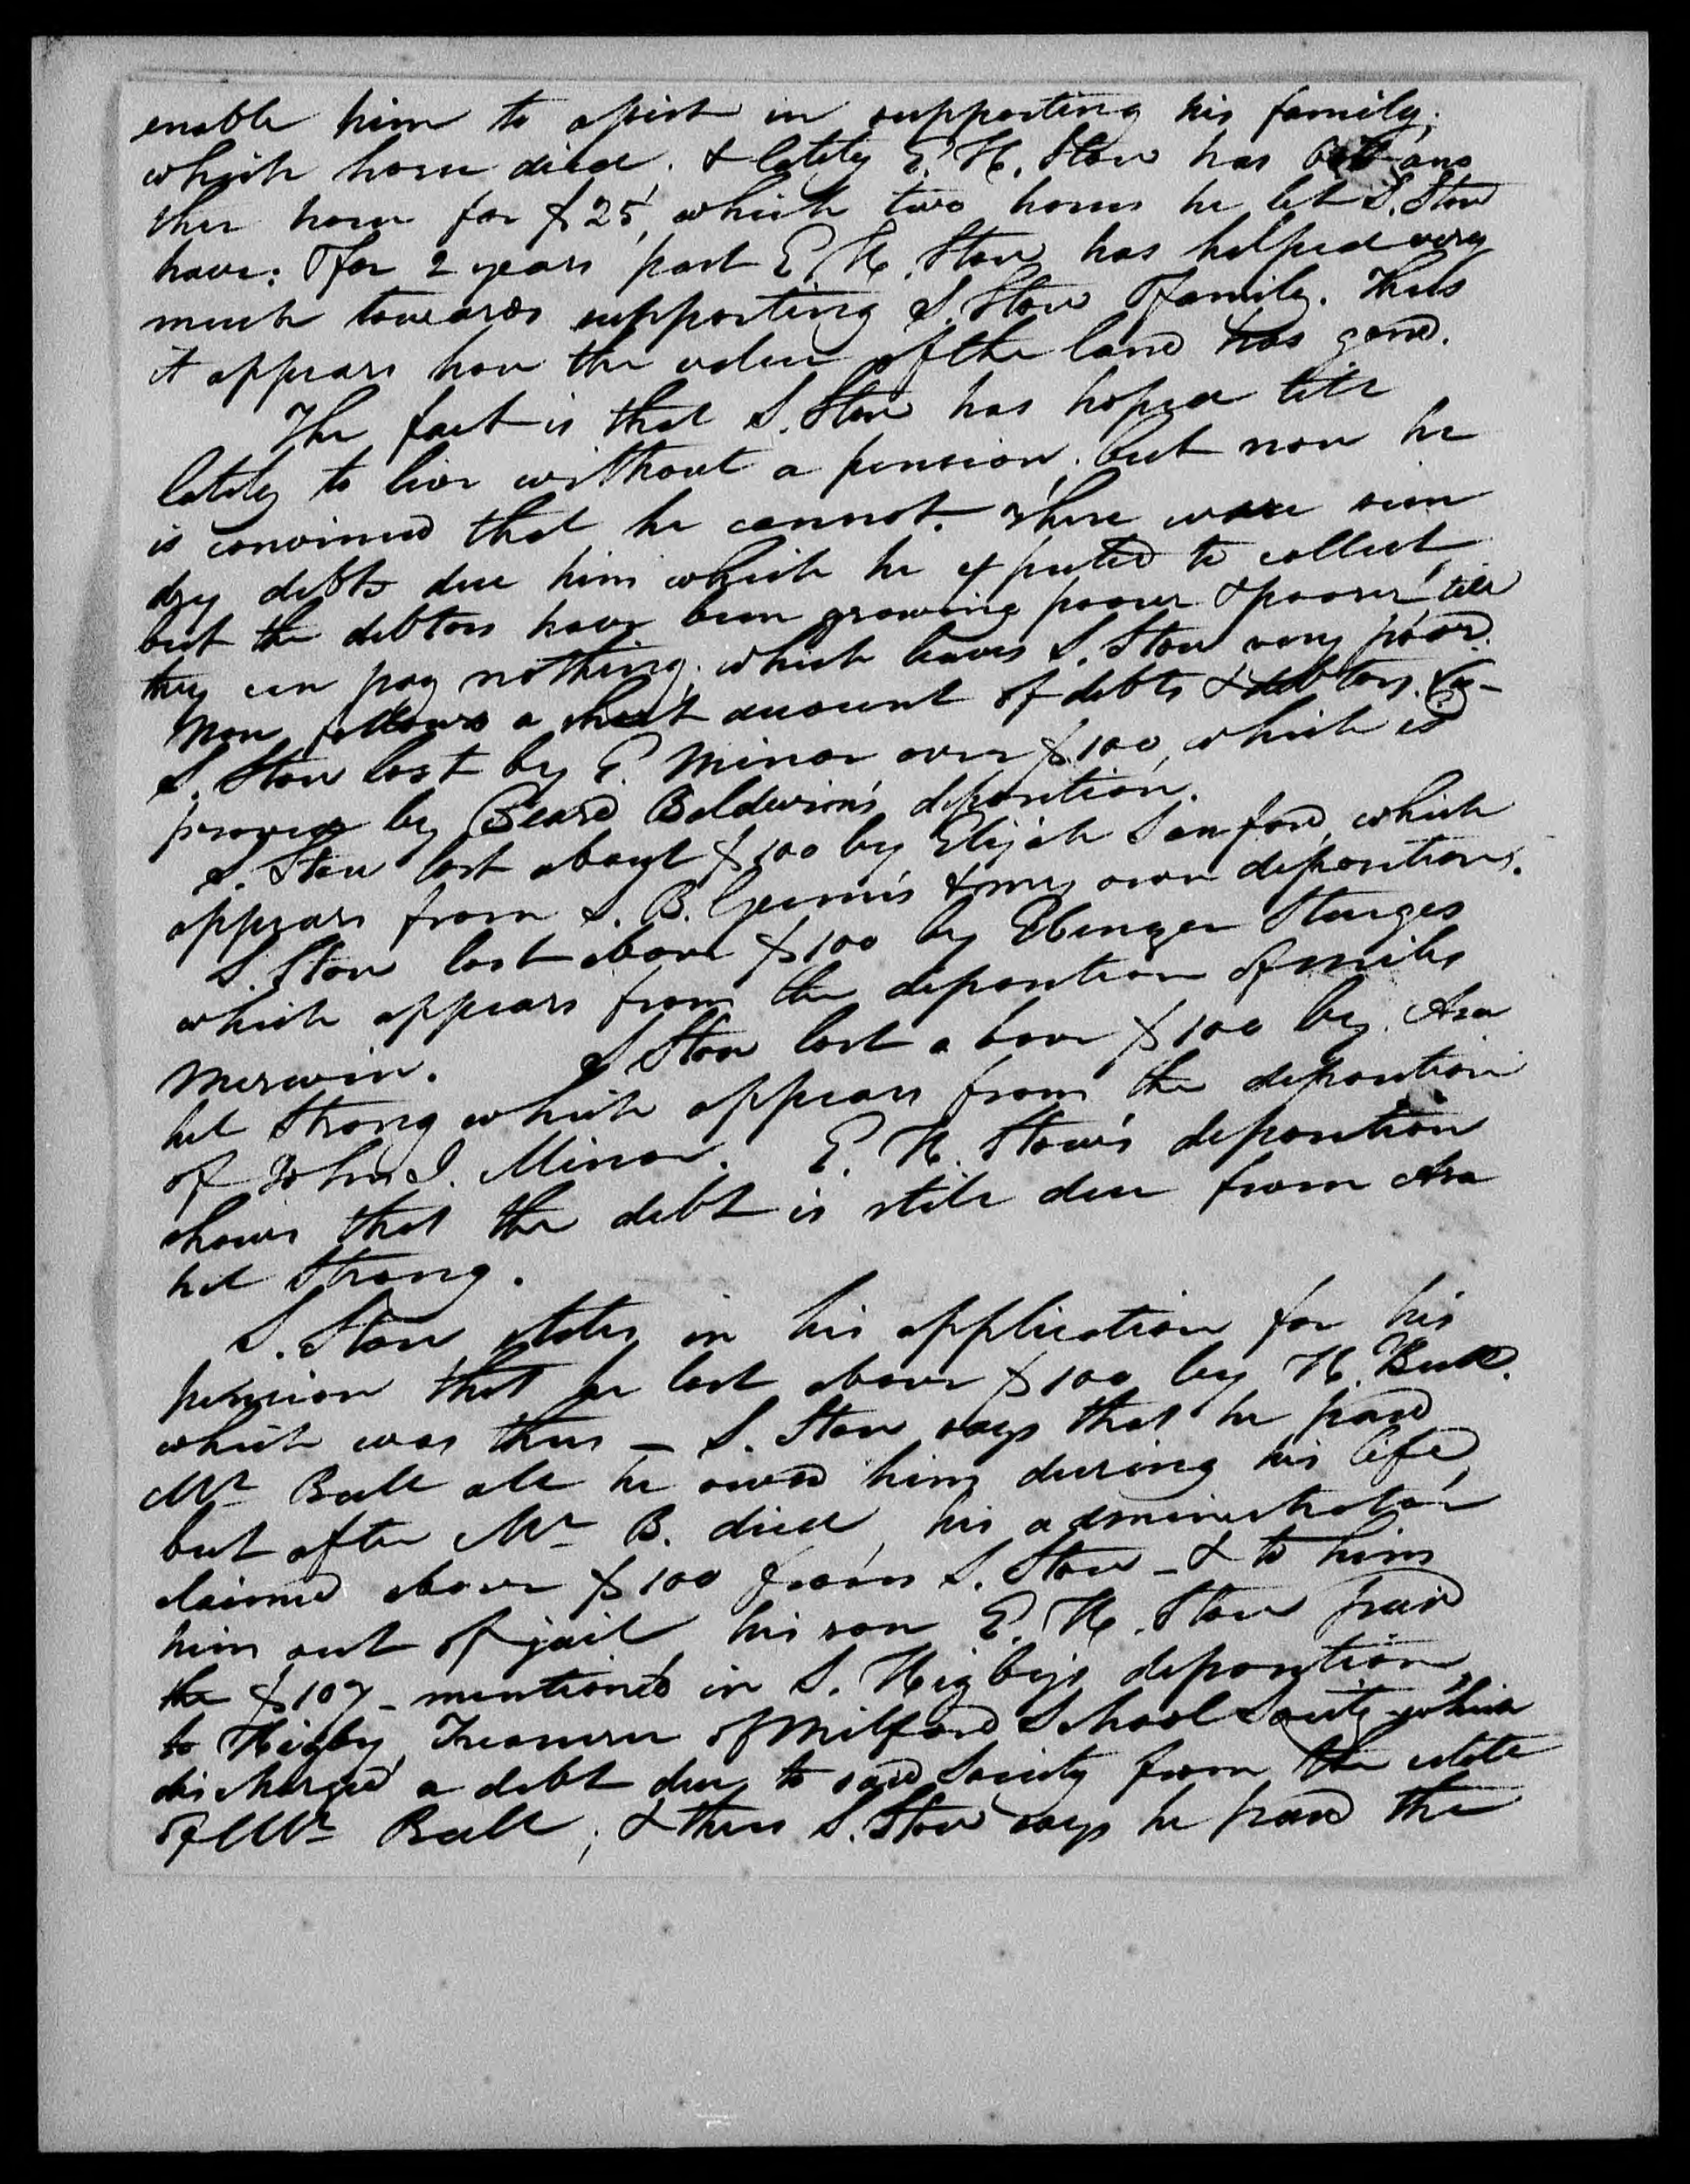enable him to assist in supporting his family;
which horse died & lately E.H. Stow has bought another horse for $25, which two horses he let S. Stow have:   For 2 years past, E.H. Stow has helped very much towards supporting S. Stow's family. Thus it appears how the value of the land has gone. 
The fact is that S. Stow has hoped till
lately to live without a pension; but now he
is convinced that he cannot.  There were sundry debts due him which he expected to collect, but the debtors have been growing poorer & poorer, till they can pay nothing, which leaves S. Stow very poor.
Now follows a short account of debts & debtors; viz.: 
S. Stow lost by E. Minor over $100 which is
proved by Pearl Baldwin's deposition.
S. Stow lost about $100 by Elijah Sanford, 
which appears from S.B. Green's & my own depositions.
S. Stow lost about $100 by Ebenezer Sturges
which appears from the deposition of Miles Merwin.  S. Stow lost about $100 by Asabel Strong, which appears from the deposition
of John I. Minor.  E.H. Stow's deposition
shows that the debt is still due from Asabel Strong.
S. Stow states in his application for his
pension that he lost above $100 by H. Bull
which was thus - S. Stow says that he paid
Mr Bull all he owed him during his life, 
but after Mr B. died, his administrator
claimed above $100 from S. Stow  - & to keep
him out of jail his son, E.H. Stow, paid
the $107 mentioned in S. Higby's deposition,
to Higby, Treasurer of Milford School Society, which discharged a debt due to said Society from the estate of Mr Bull & thus S. Stow says he paid the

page: 17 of 42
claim: survivor's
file: S. 36,819, for Samuel Stow, Connecticut